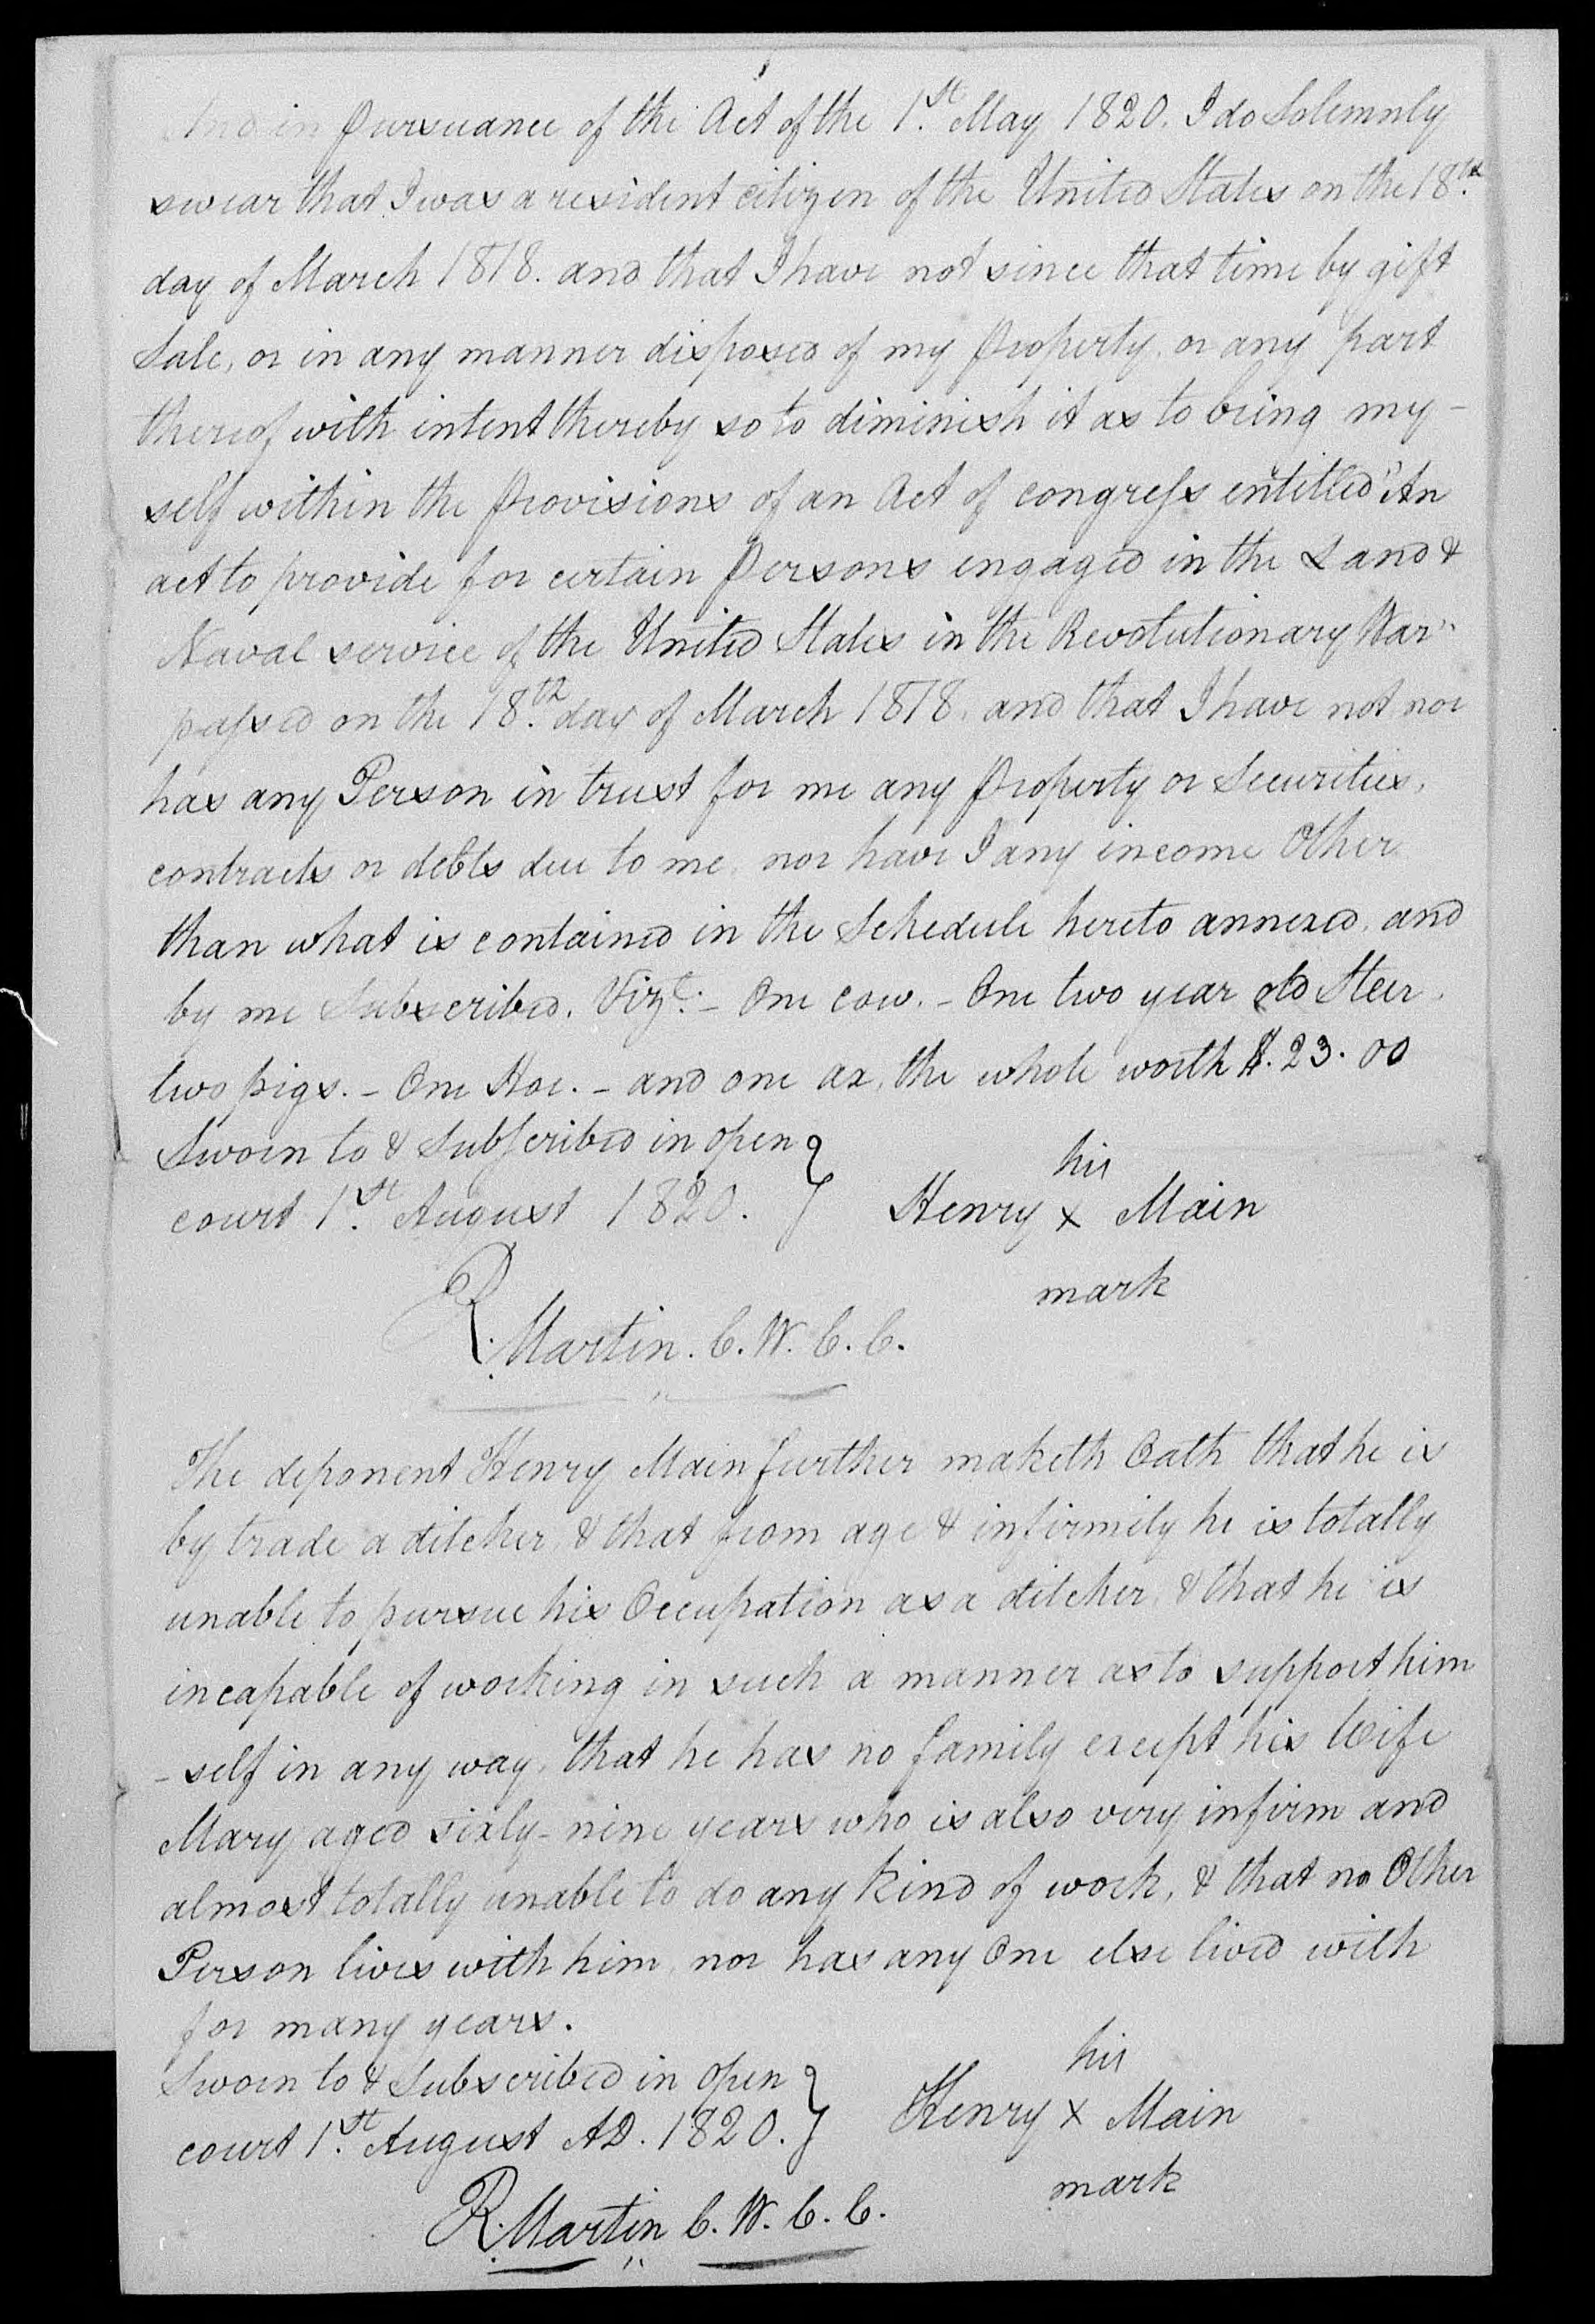And in pursuance of the act of the 1st May 1820 I do Solemnly swear that I was a resident citizen of the United States on the 18th
day of March 1818. and that I have not since that time by gift sale, or in any manner disposed of my property or any part
thereof with intent thereby so to diminish it as to bring myself within the provisions of an act of congress entitled "An act to provide for certain persons engaged in the Land & Naval service of the United States in the Revolutionary War" passed on the 18th day of March 1818, and that I have not nor
has any person in trust for me any property or securities, contracts or debts due to me nor have I any income other than what is contained in the Schedule hereto annexed, and
by me subscribed. Vizt - One Cow. One two year old Steer two pigs. One Hor. and one at the whole worth $23.00

Sworn to & subscribed in open
Court 1st August 1820.
his
Henry Main [his mark]
R. Martin C.W.C.C
The deponent Henry Main further maketh Oath that he is
by trade a ditcher & that from age & infirmity he is totally

unable to pursue his occupation as a ditcher, & that he is
incapable of working in such a manner as to support him
self in any way, that he has no family except his wife
Mary aged sixty-nine years who is also very infirm and
almost totally unable to do any kind of work, & that no other
Person lives with him nor has any one else lived with
for many years.
Sworn to & Subscribed in open
court 1st August AD. 1820.

Henry Main [his mark]
R. Martin C. W. C. C.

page: 5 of 13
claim: survivor's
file: S. 41806, for Henry Main, Maryland